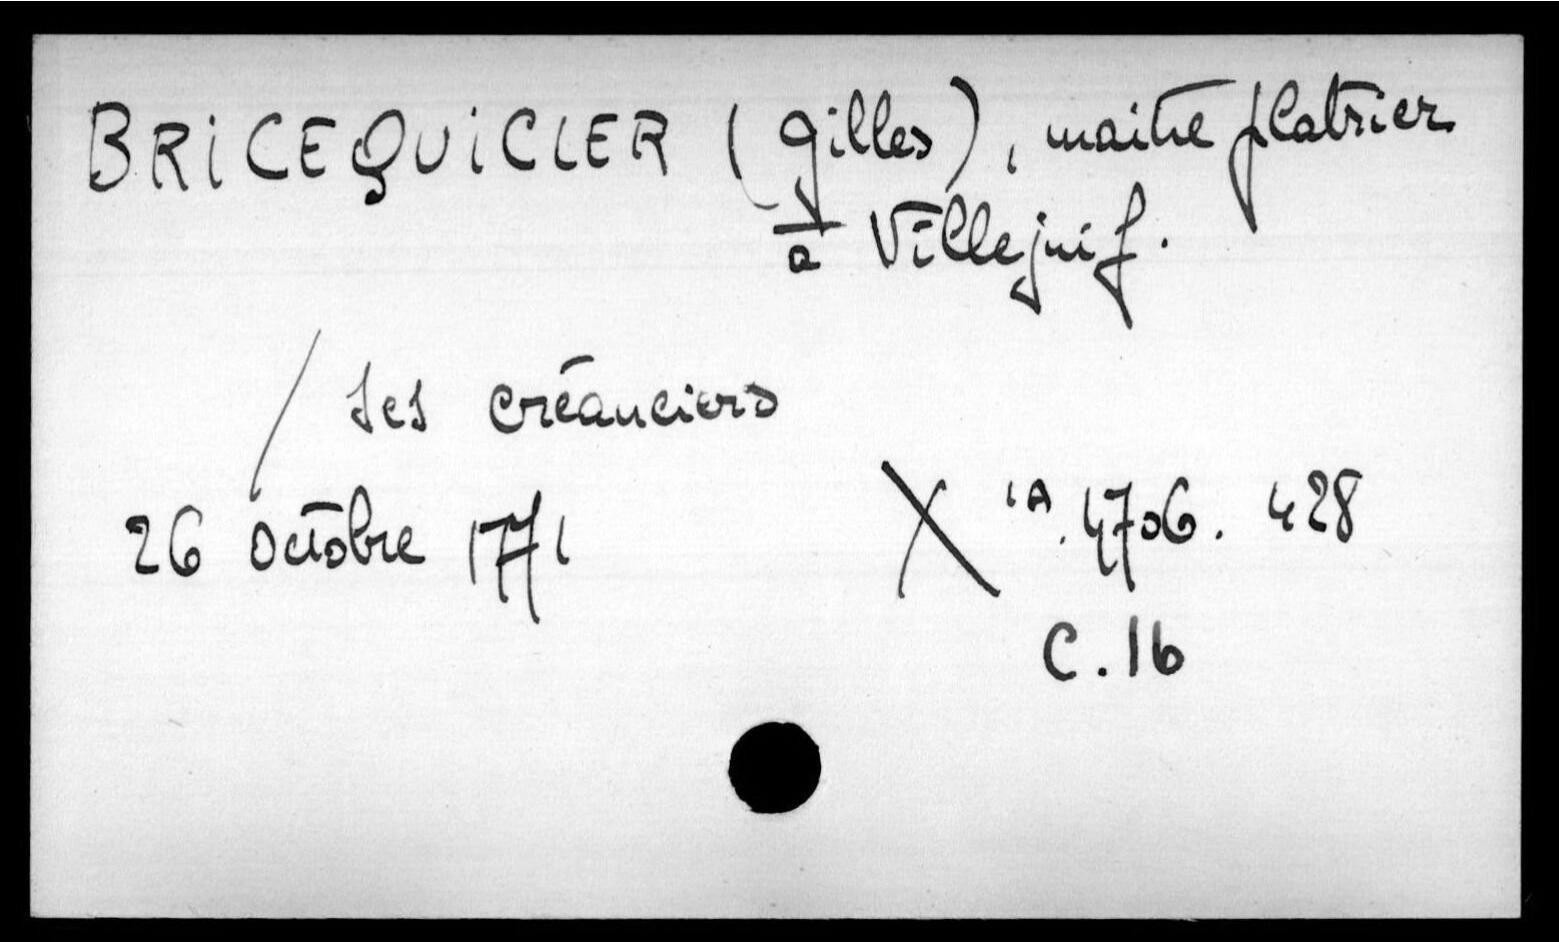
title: BRICEQUICLER (Gilles), maître Plâtrier à Villeguif
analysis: Contre ses créanciers
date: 26 octobre 1771
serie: X1A
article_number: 4706
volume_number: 428 Conseil, 16
